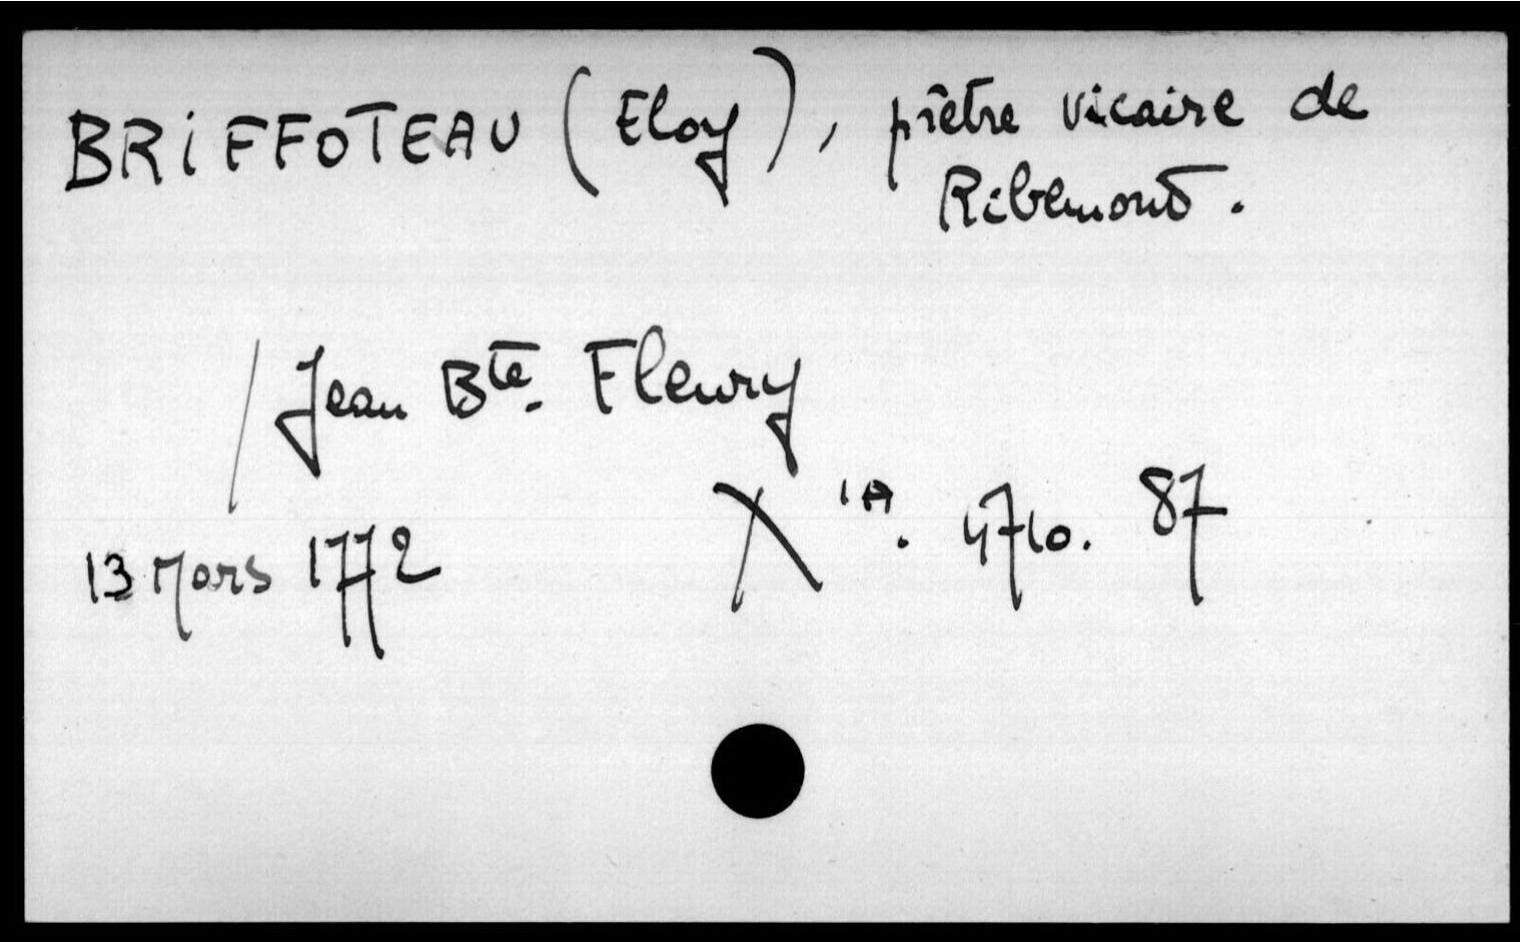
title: BRIFFOTEAU (Éloy), prêtre Vicaire de Ribemont.
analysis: Contre Jean Baptiste Fleury
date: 13 mars 1772
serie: X1A
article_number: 4710
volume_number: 87
